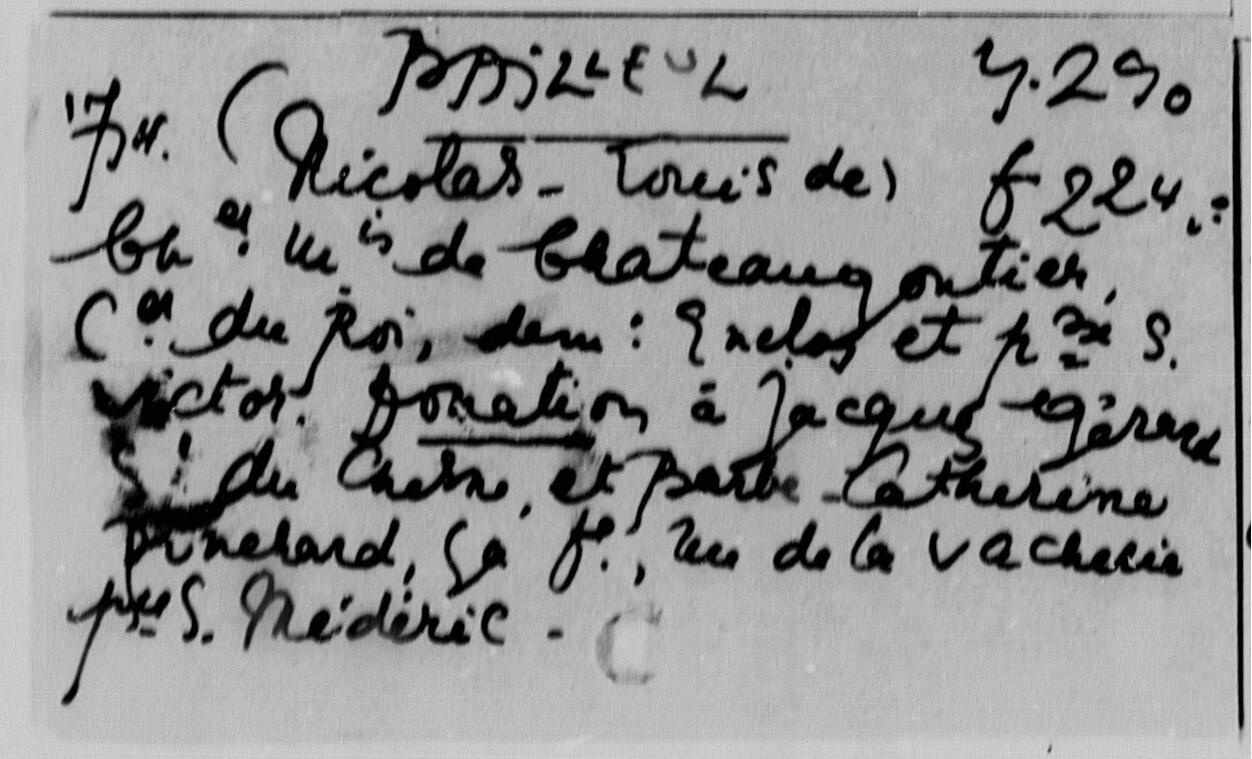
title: BAILLEUL (Nicolas-Louis de)
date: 1714
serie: Y
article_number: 290
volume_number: folio 224v
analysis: Chevalier, marquis de Château-Gontier, conseiller du roi, demeurant enclos et paroisse Saint-Victor Donation à Jacques Gérard, seigneur du Chesne, et Barbe-Catherine Prunelard, sa femme, rue de la Vacherie, paroisse Saint-Médéric
